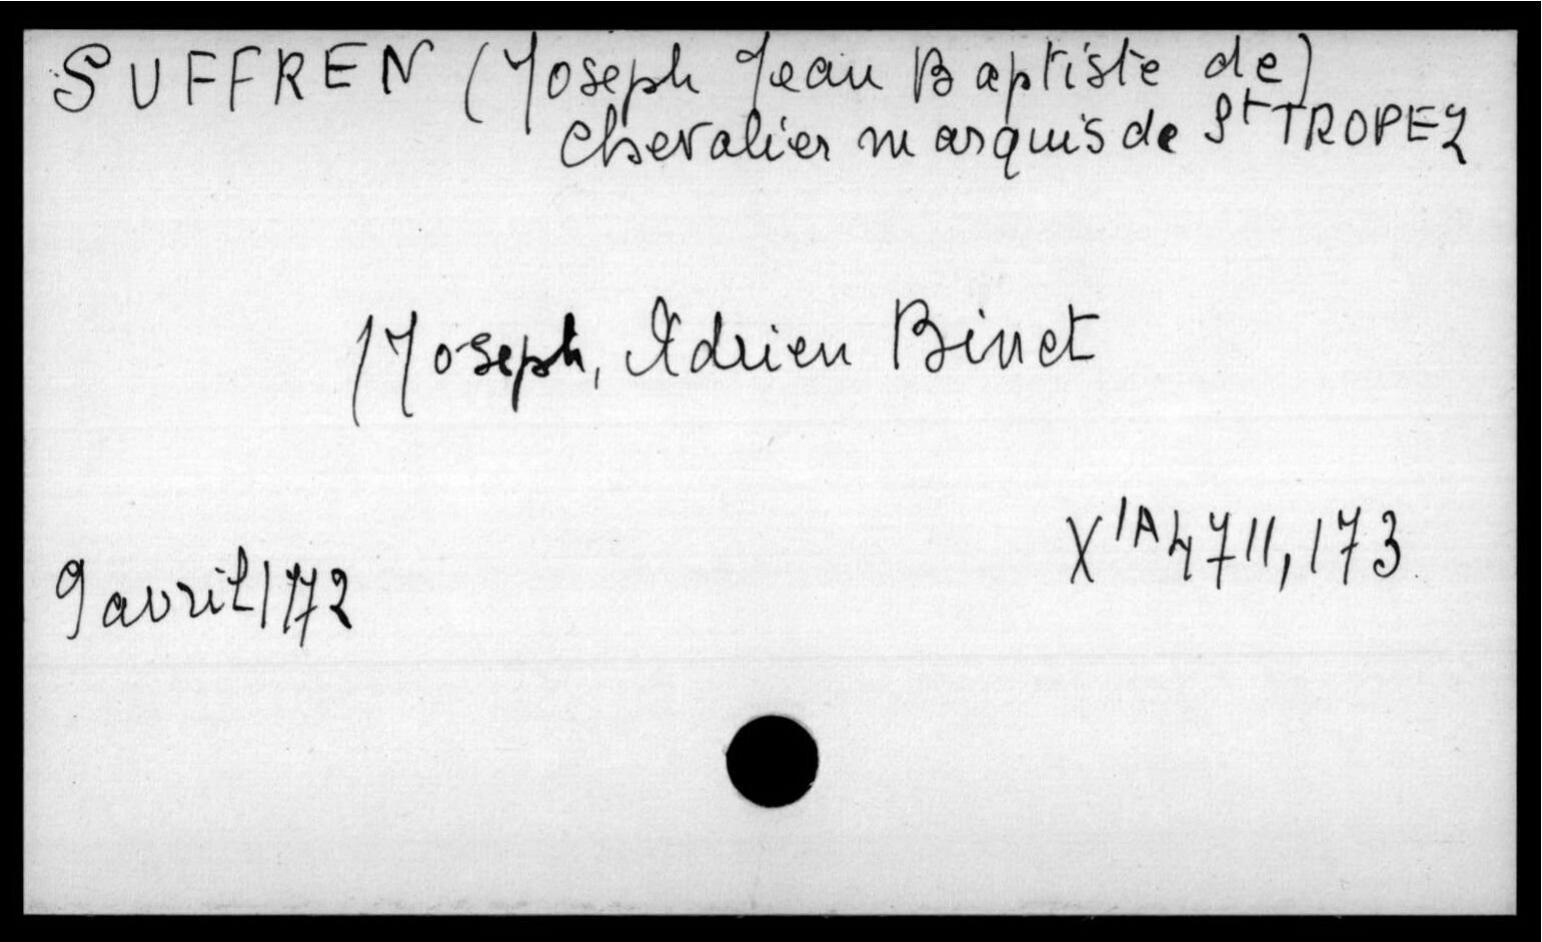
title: SUFFREN (Joseph Jean Baptiste de) chevalier marquis de Saint-Tropez
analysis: Contre Joseph, Adrien Binet
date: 9 avril 1772
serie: X1A
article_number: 4711
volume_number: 173
